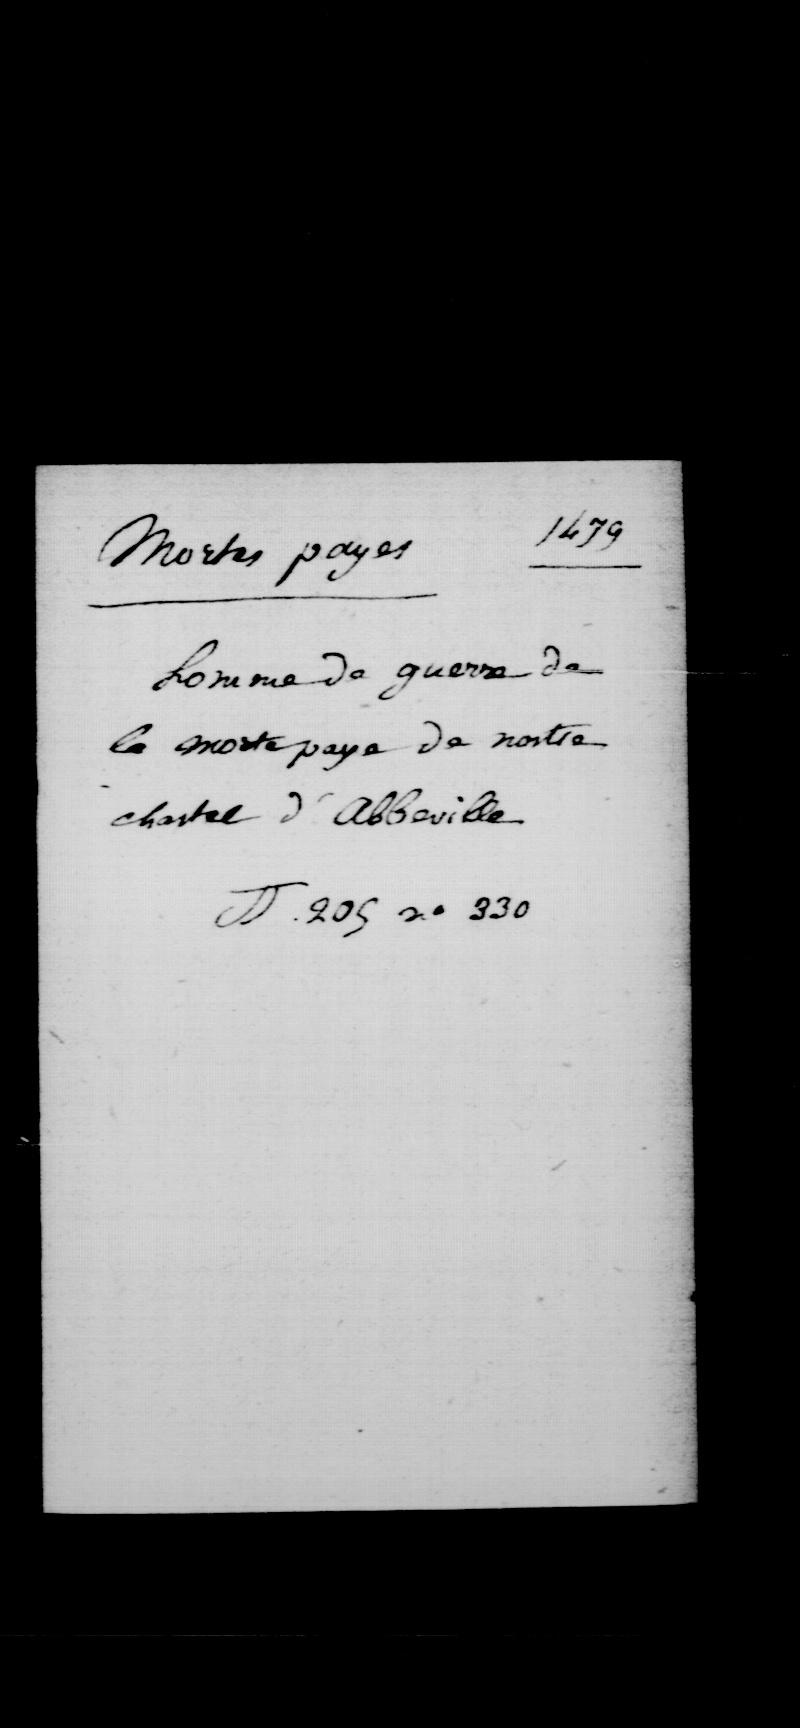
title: Mortes payes
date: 1479
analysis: Homme de guerre de la morte paye de nostre chastel d'Abbeville
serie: JJ
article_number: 205
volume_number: n° 330
